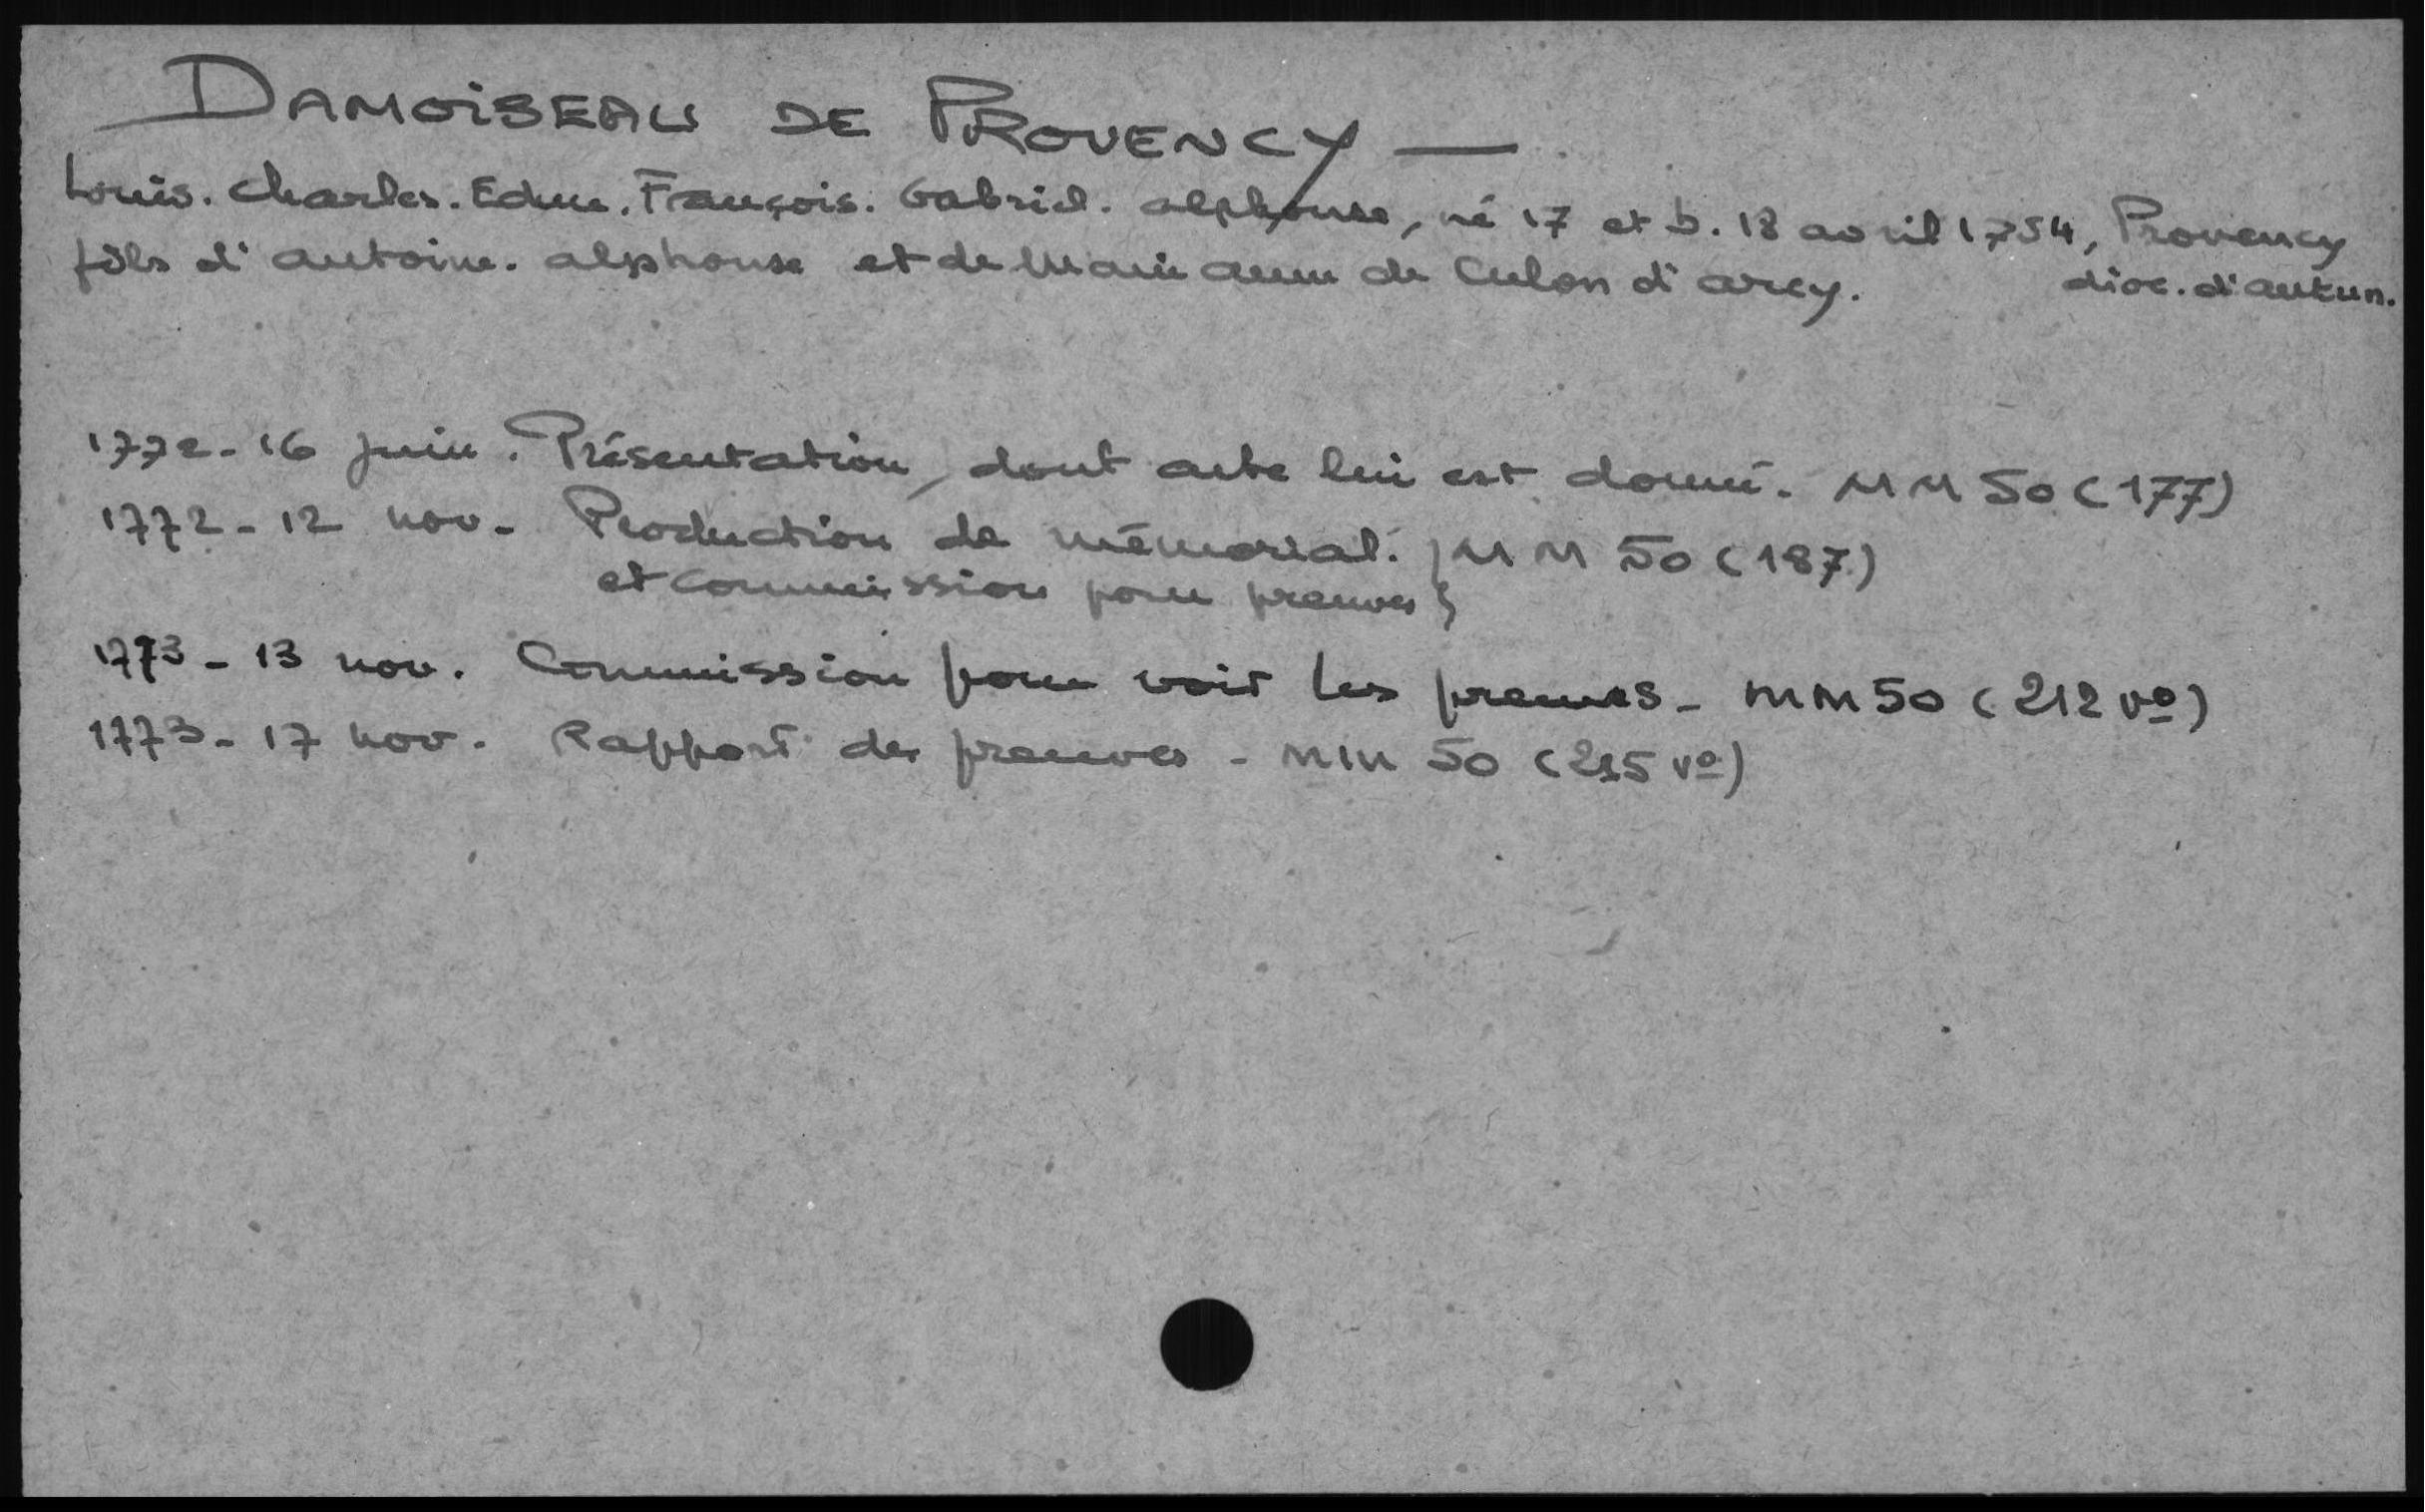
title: DAMOISEAU DE PROVENCY Louis-Charles-Edme-François-Gabriel-Alphonse, né 17 et baptisé 18 avril 1754, Provency diocèse d'Autun, fils d'Antoine-Alphonse et de Marie Anne de Culon d'Arcy
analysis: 1772, 16 juin. Présentation, dont acte lui est donné. MM 50 (177) 1772, 12 novembre. Production de mémorial et commission pour preuves. MM 50 (187) 1773, 13 novembre Commission pour voir les preuves. MM 50 (212v) 1773, 17 novembre Rapport des preuves. MM 50 (215v)
